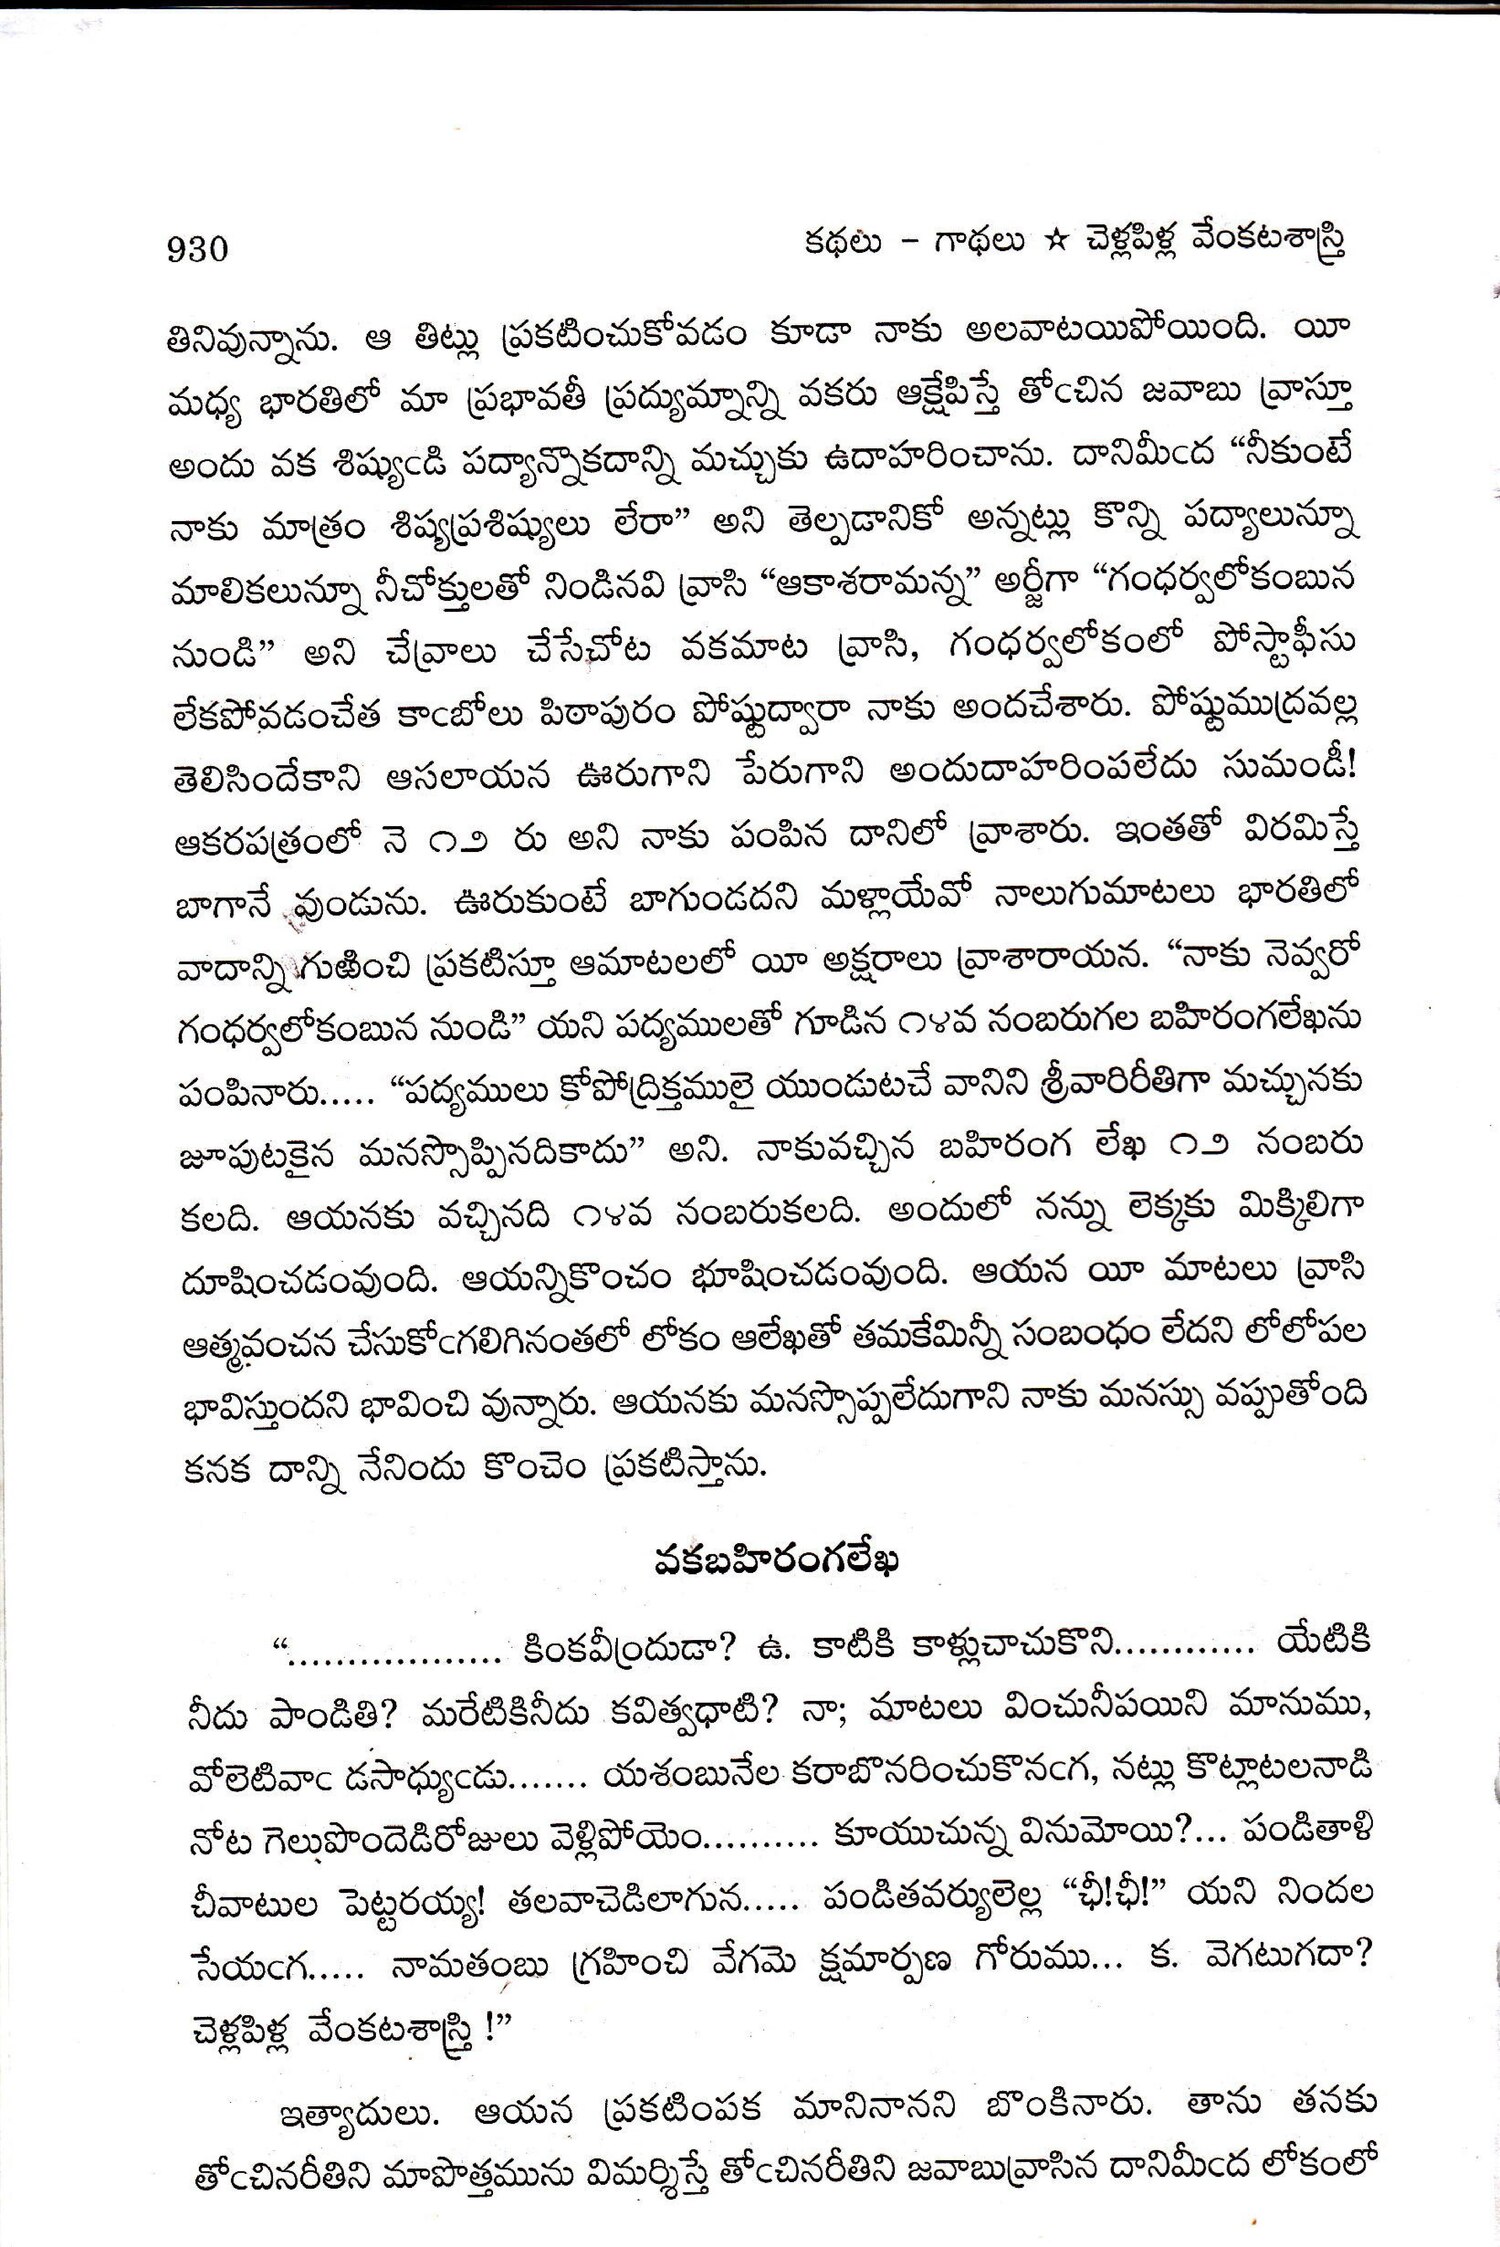తినివున్నాను. ఆ తిట్లు ప్రకటించుకోవడం కూడా నాకు అలవాటయిపోయింది. యీ మధ్య భారతిలో మా ప్రభావతీ ప్రద్యుమ్నాన్ని వకరు ఆక్షేపిస్తే తోఁచిన జవాబు వ్రాస్తూ అందు వక శిష్యుఁడి పద్యాన్నొకదాన్ని మచ్చుకు ఉదాహరించాను. దానిమీఁద “నీకుంటే నాకు మాత్రం శిష్యప్రశిష్యులు లేరా" అని తెల్పడానికో అన్నట్లు కొన్ని పద్యాలున్నూ మాలికలున్నూ నీచోక్తులతో నిండినవి వ్రాసి "ఆకాశరామన్న" అర్జీగా "గంధర్వలోకంబున నుండి" అని చేవ్రాలు చేసేచోట వకమాట వ్రాసి, గంధర్వలోకంలో పోస్టాఫీసు లేకపోవడంచేత కాఁబోలు పిఠాపురం పోష్టుద్వారా నాకు అందచేశారు. పోష్టుముద్రవల్ల తెలిసిందేకాని ఆసలాయన ఊరుగాని పేరుగాని అందుదాహరింపలేదు సుమండీ! ఆకరపత్రంలో నె 12 రు అని నాకు పంపిన దానిలో వ్రాశారు. ఇంతతో విరమిస్తే బాగానే వుండును. ఊరుకుంటే బాగుండదని మళ్లాయేవో నాలుగుమాటలు భారతిలో వాదాన్నిగుఱించి ప్రకటిస్తూ ఆమాటలలో యీ అక్షరాలు వ్రాశారాయన. "నాకు నెవ్వరో గంధర్వలోకంబున నుండి" యని పద్యములతో గూడిన 14వ నంబరుగల బహిరంగలేఖను పంపినారు. "పద్యములు కోపోద్రిక్తములై యుండుటచే వానిని శ్రీవారిరీతిగా మచ్చునకు జూపుటకైన మనస్సొప్పినదికాదు" అని. నాకువచ్చిన బహిరంగ లేఖ 12 నంబరు కలది. ఆయనకు వచ్చినది 14వ నంబరుకలది. అందులో నన్ను లెక్కకు మిక్కిలిగా దూషించడంవుంది. ఆయన్నికొంచం భూషించడంవుంది. ఆయన యీ మాటలు వ్రాసి ఆత్మవంచన చేసుకోఁగలిగినంతలో లోకం ఆలేఖతో తమకేమిన్నీ సంబంధం లేదని లోలోపల భావిస్తుందని భావించి వున్నారు. ఆయనకు మనస్సొప్పలేదుగాని నాకు మనస్సు వప్పుతోంది కనక దాన్ని నేనిందు కొంచెం ప్రకటిస్తాను.

“................................................. కింకవీంద్రుడా? ఉ. కాటికి కాళ్లు చాచుకొని............ యేటికి నీదు పాండితి? మరేటికినీదు కవిత్వధాటి? నా; మాటలు వించునీపయిని మానుము, వోలెటివాఁ డసాధ్యుఁడు...... యశంబునేల కరాబొనరించుకొనఁగ నట్లు కొట్లాటలనాడి నోట గెలుపొందెడిరోజులు వెళ్లిపోయెం.......... కూయుచున్న వినుమోయి?... పండితాళి చీవాటుల పెట్టరయ్య! తలవాచెడిలాగున..... పండితవర్యులెల్ల “ఛీ! ఛీ!" యని నిందల సేయఁగ..... నామతంబు గ్రహించి వేగమె క్షమార్పణ గోరుము. క. వెగటుగదా? చెళ్లపిళ్ల వేంకటశాస్త్రి !" -

ఇత్యాదులు. ఆయన ప్రకటింపక మానినానని బొంకినారు. తాను తనకు తోఁచినరీతిని మాపొత్తమును విమర్శిస్తే తోఁచినరీతిని జవాబు వ్రాసిన దానిమీఁద లోకంలో